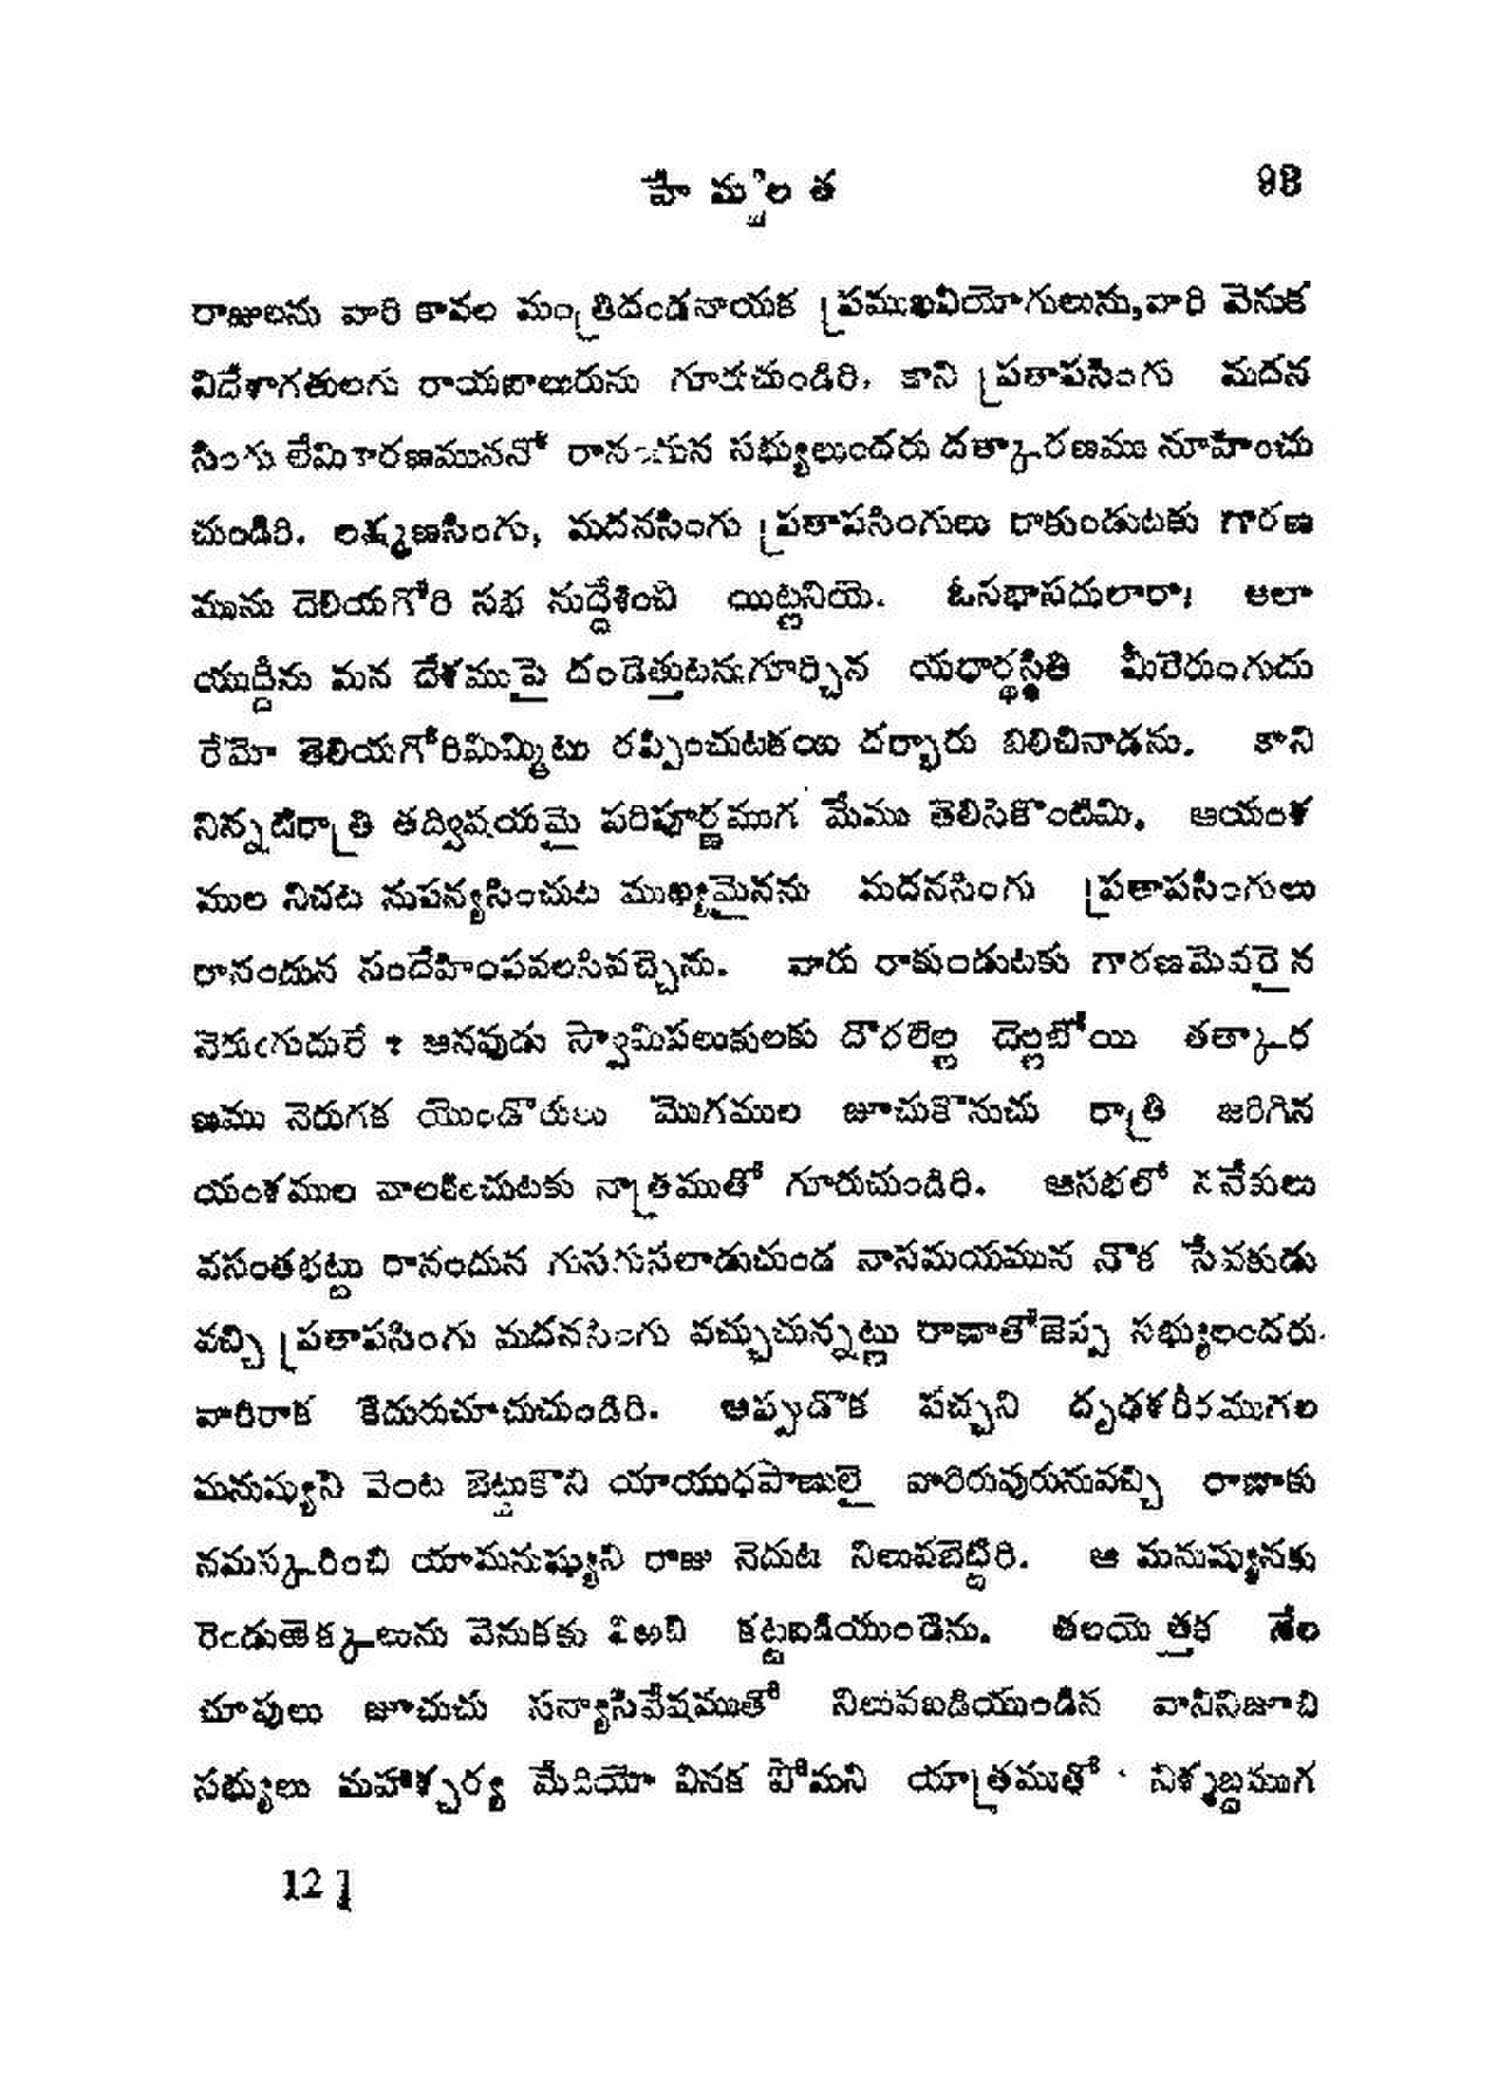రాజులను వారి కావల మంత్రిదండనాయక ప్రముఖవియోగులును, వారి వెనుక విదేశాగతులగు రాయబారులును గూరుచుండిరి. కాని ప్రతాపసింగు మదనసింగు లేమిగారణముననో రానందున సభ్యులందరు దత్కారణము నూహించుచుండిరి. లక్ష్మణసింగు, మదనసింగు ప్రతాపసింగులు రాకుండుటకు గారణమును దెలియగోరి సభ నుద్దేశించి యిట్లనియె. ఓసభాసదులారా, అలాయుద్దీను మన దేశముపై దండెత్తుటనుగూర్చిన యదార్థస్థితి మీరెరుంగుదురేమో దెలియగోరి మిమ్మిటు రప్పించుటకయు దర్బారు పిలిచినాడను. కాని నిన్నరాత్రి తద్విషయమై పరిపూర్ణముగ మేము తెలిసికొంటిమి. ఆయంశముల నిచట నుపన్యసించుట ముఖ్యమైనను మదనసింగు ప్రతాపసింగులు రానందున సందేహింపవలసివచ్చెను. వారు రాకుండుటకు గారణమెవరైన నెరుఁగుదురే? అనవుడు స్వామి పలుకులకు దొరలెల్ల దెల్లబోయి తత్కారణము నెరుగక యొండొరుల మొగముల జూచుకొనుచు రాత్రి జరిగిన యంశముల నాలకించుటకు నాత్రముతో గూరుచుండిరి. ఆసభలో ననేకులు వసంతభట్టు రానందున గుసగుసలాడుచుండ నా సమయమున నొక సేవకుడు వచ్చి ప్రతాపసింగు మదనసింగు వచ్చుచున్నట్లు రాణాతోజెప్ప సభ్యులందరు వారిరాక కెదురుచూచుచుండిరి. అప్పుడొక పచ్చని దృఢశరీరముగల మనుష్యుని వెంటబెట్టుకొని యాయుధపాణులై వారిరువురును వచ్చి రాణాకు నమస్కరించి యామనుష్యుని రాజు నెదుట నిలువబెట్టిరి. ఆ మనుష్యునకు రెండుఱెక్కలును వెనుకకు విఱచి కట్టబడియుండెను. తలయెత్తక నేలచూపులు జూచుచు సన్యాసివేషములో నిలువ బడియుండిన వానిని జూచి సభ్యులు మహాశ్చర్య మేదియో వినక పోమని యాత్రముతో నిశ్శబ్దముగ